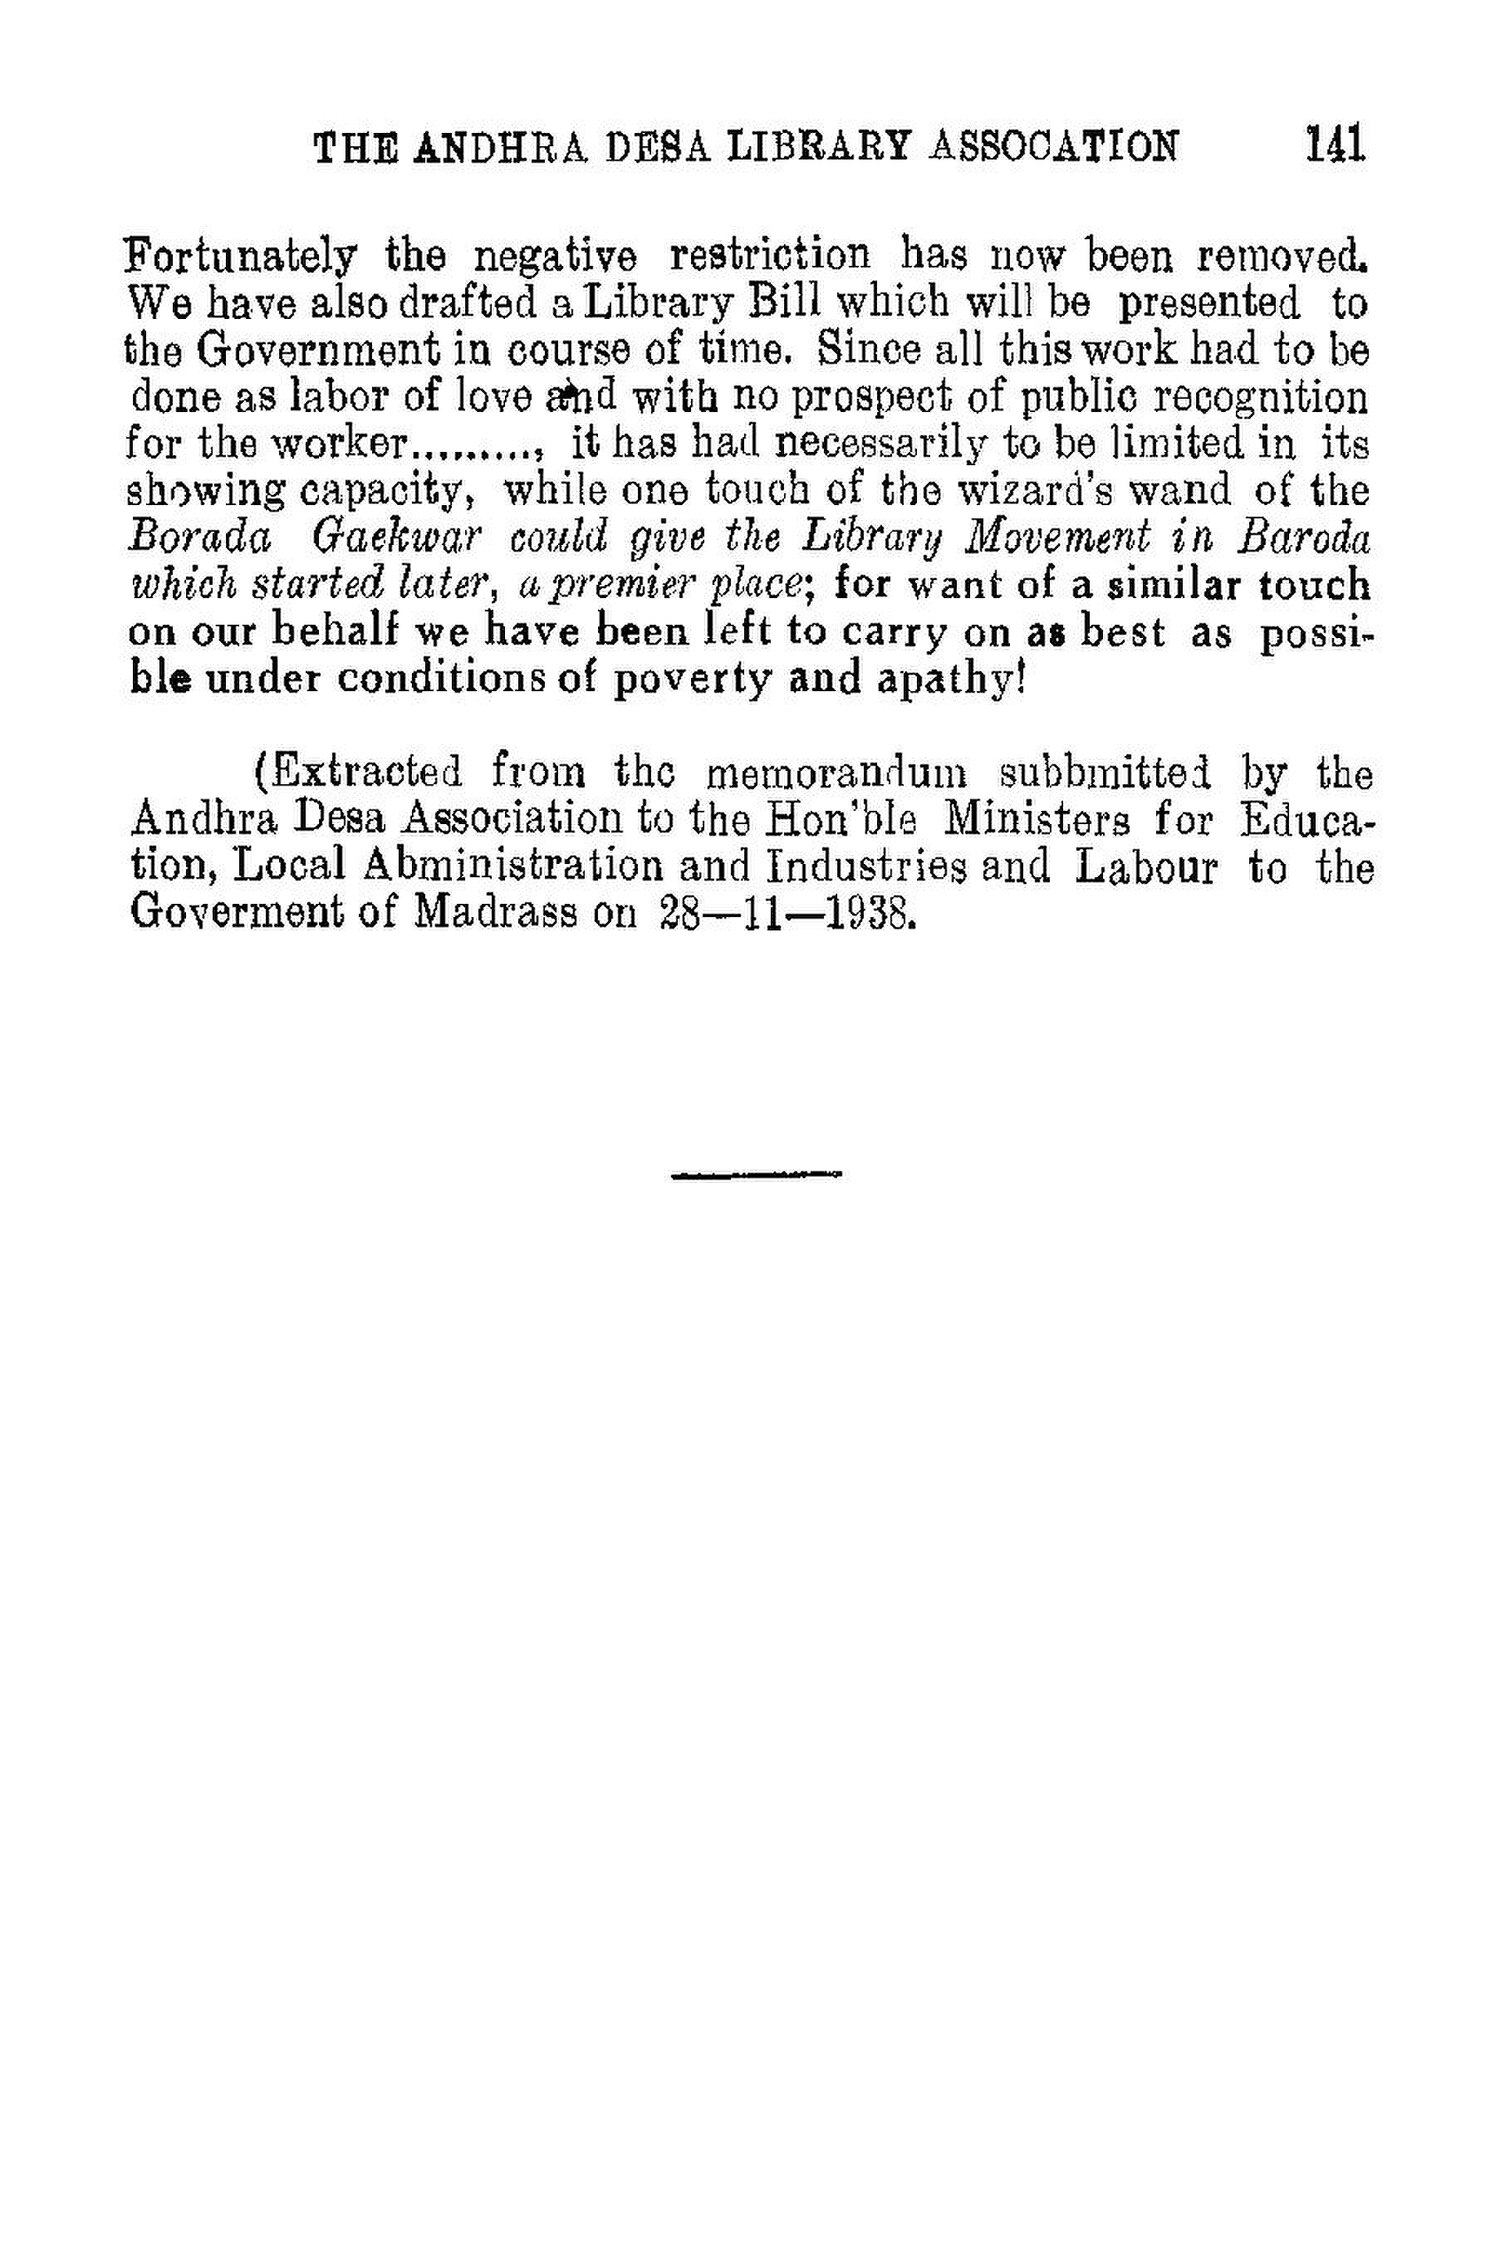Fortunately the negative restriction has now been removed. We have also drafted a Library Bill which will be presented to the Government in course of time. Since all this work had to be done as labor of love and with 
no prospect of public recognition for the worker.......... it has had necessarily to be limited in its
showing capacity, while one touch of the wizard's wand of the Borada Gaekwar could give the Library Movement
in Baroda which started later, a premier place; for want of a similar touch on our behalf we have been left to carry on as best as possible under conditions of poverty and apathy!

(Extracted from the memorandum submitted by the Andhra Desa Association to the Hon'ble Ministers for 
Education, Local Administration and Industries and Labor to the Government of Madras on 28-11-1938).